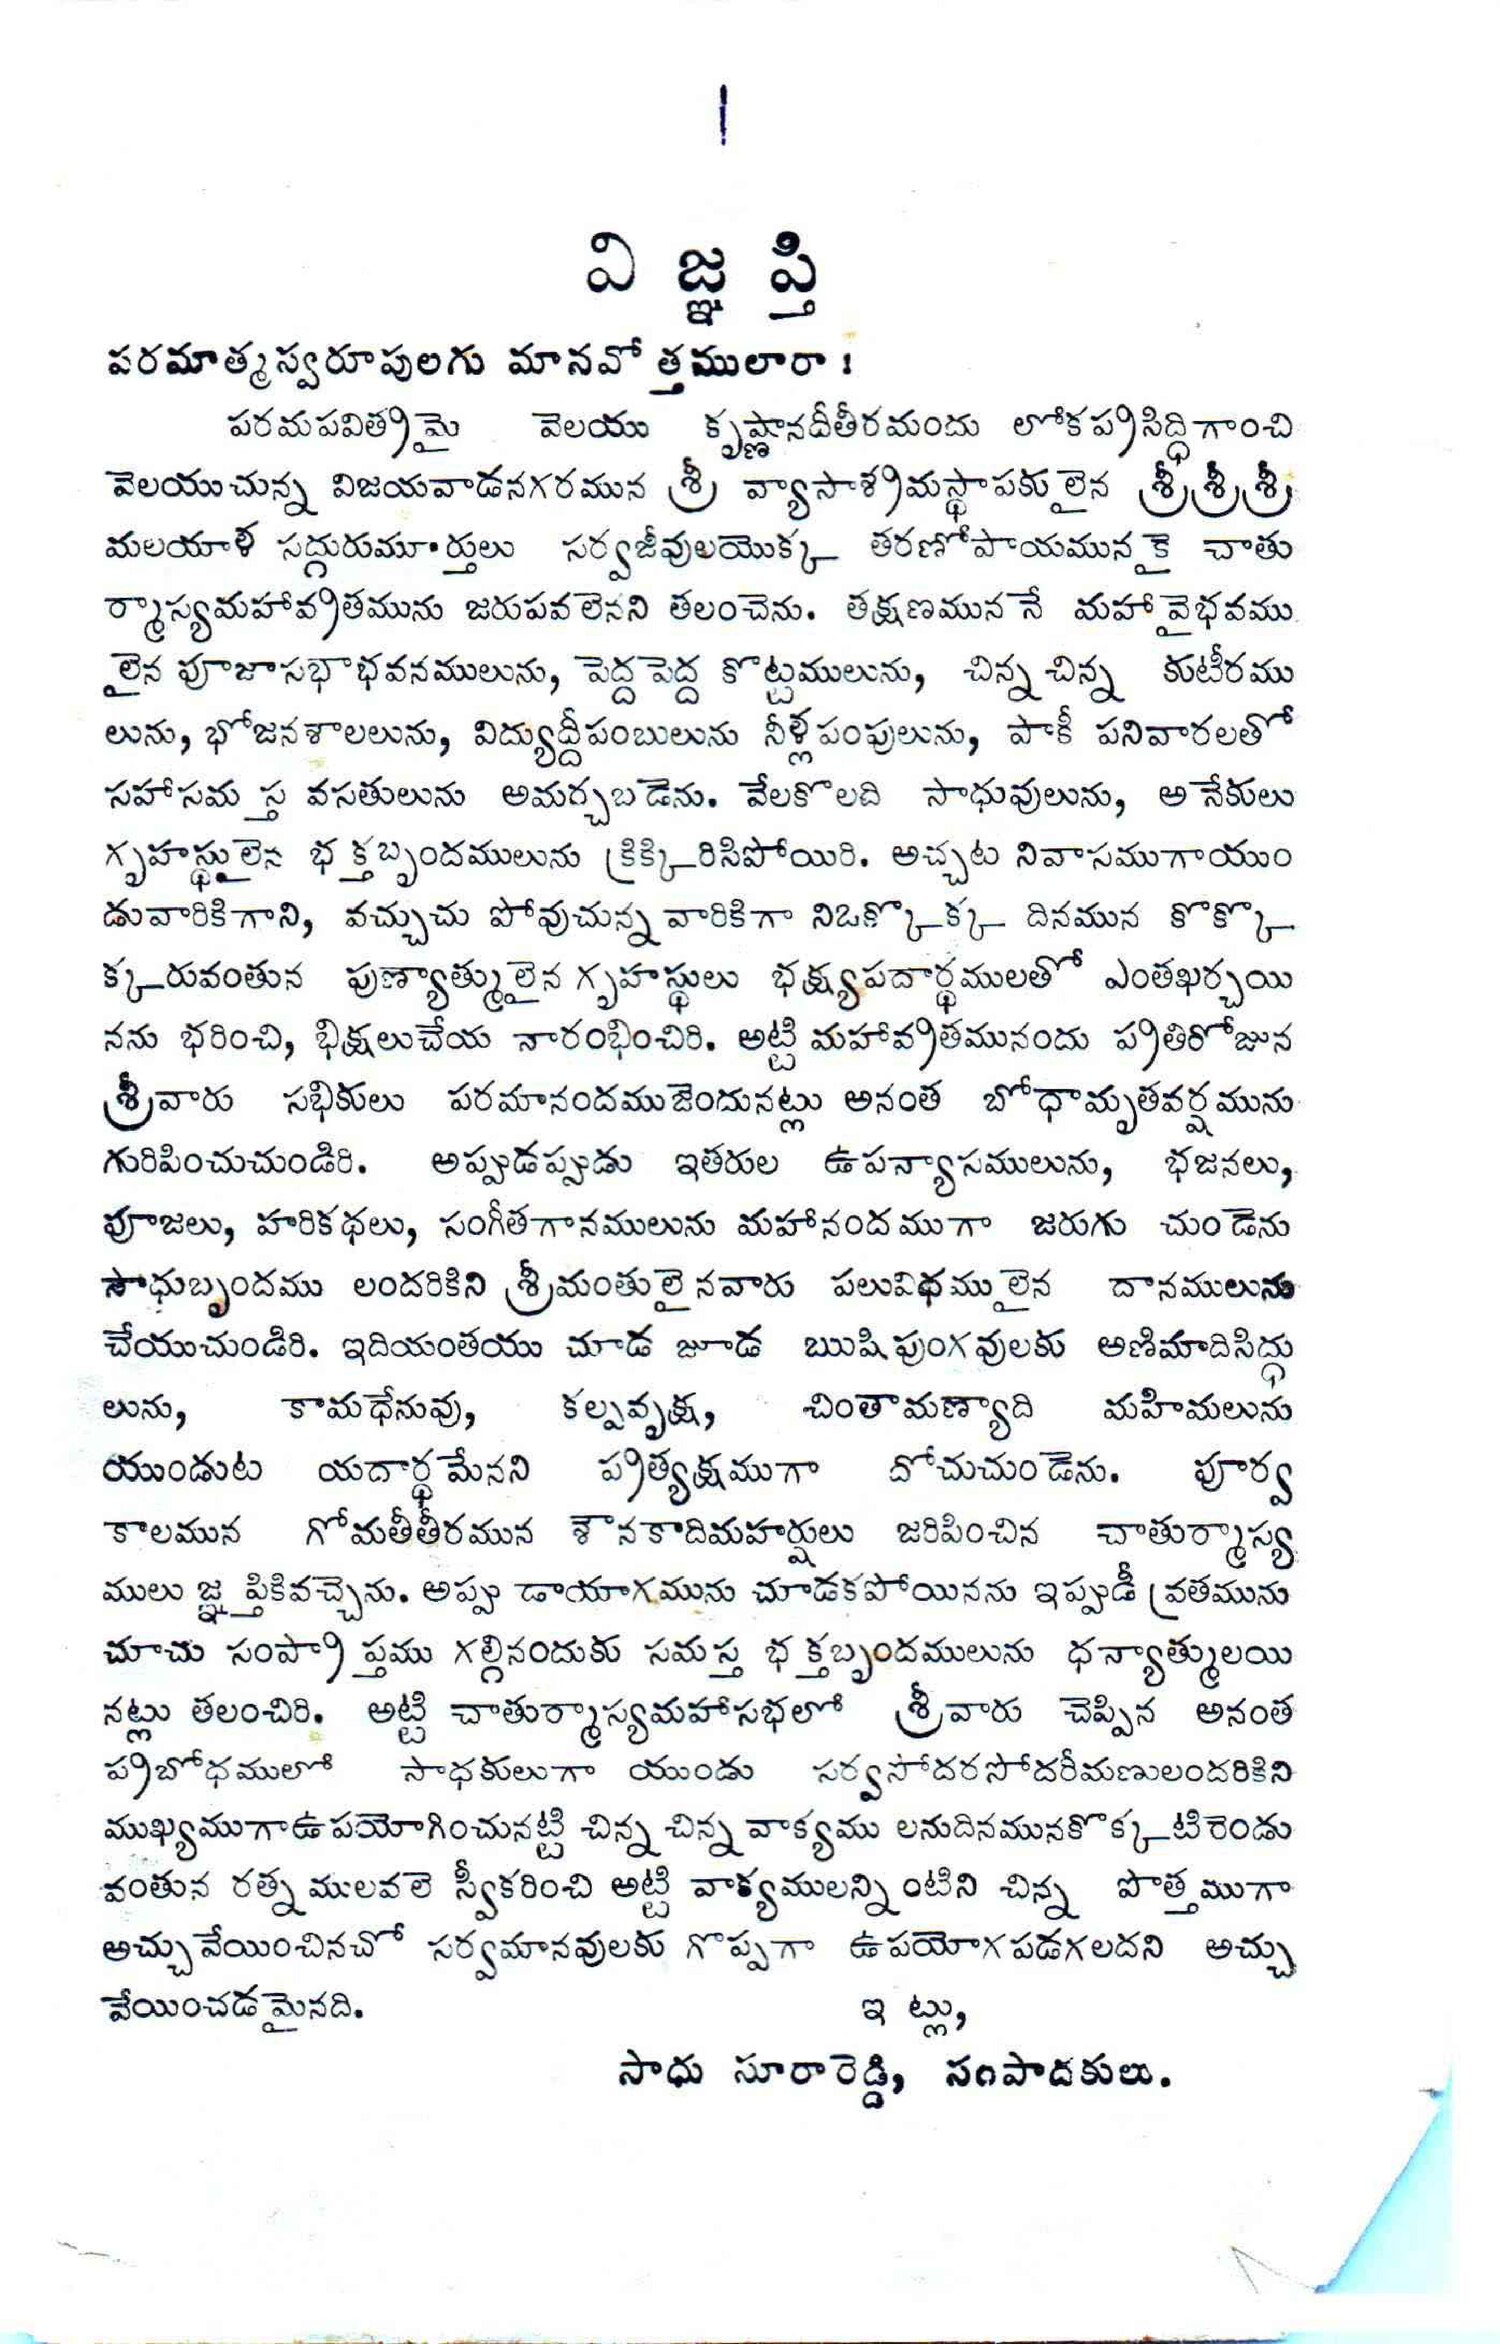పరమాత్మస్వరూపులగు మానవోత్తములారా !
పరమ పవిత్రమై
వెలయు కృష్ణానదీతీరమందు లోక ప్రసిద్ధి గాంచి
వెలయుచున్న విజయవాడ నగరమున శ్రీ వ్యాసాశ్రమస్థాపకులైన శ్రీశ్రీశ్రీ
మలయాళ సద్గురుమూర్తులు సర్వజీవులయొక్క తరణోపాయమునకై చాతు
ర్మాస్యమహావతమును జరుపవలెనని తలంచెను. తక్షణముననే మహా వైభవము
లైన పూజాసభాభవనములును, పెద్ద పెద్ద కొట్టములును, చిన్న చిన్న కుటీర ము
లును, భోజనశాలలును, విద్యుద్దీపంబులును నీళ్ల పంపులును, పాకీ పనివారలతో
సహాసమస్త వసతులును అమర్చబడెను. వేలకొలది సాధువులును, అనేకులు
గృహస్థులైన భక్తబృందములును క్రిక్కిరిసిపోయిరి. అచ్చట నివాసముగాయుం
డువారికి గాని, వచ్చుచు పోవుచున్న వారికిగా నిఒక్కొక్క దినమున కొక్కొ
క్కరువంతున పుణ్యాత్ములైన గృహస్థులు భక్ష్యపదార్థములతో ఎంత ఖర్చయి
నను భరించి, భిక్షలుచేయ నారంభించిరి. అట్టి మహామ్రతమునందు ప్రతిరోజున
శ్రీవారు సభికులు పరమానందముజెందునట్లు అనంత బోధామృతవర్షమును
అప్పుడప్పుడు ఇతరుల ఉపన్యాసములును, భజనలు,
పూజలు, హరికథలు, సంగీత గానములును మహానందముగా జరుగు చుండెను
సౌధుబృందము లందరికిని శ్రీమంతులైనవారు పలువిధములైన దానములును.
చేయుచుండిరి. ఇదియంతయు చూడ జూడ ఋషి పుంగవులకు అణిమాది సిద్దు
కామధేనువు, కల్పవృక్షు,
మహిమలును
గురిపించుచుండిరి.
చింతామణ్యాది
యుండుట యదార్థమేనని ప్రత్యక్షముగా దోచుచుండెను. పూర్వ
కాలమున గోమతీతీరమున శౌనకాదిమహర్షులు జరిపించిన చాతుర్మాస్య
ములు జ్ఞప్తికివచ్చెను. అప్పు డాయాగమును చూడకపోయినను ఇప్పుడీ వ్రతమును
చూచు సంపా ప్తము గల్గినందుకు సమస్త భక్తబృందములును ధన్యాత్ములయి
నట్లు తలంచిరి. అట్టి చాతుర్మాస్యమహాసభలో శ్రీవారు చెప్పిన అనంత
ప్ర్రబోధములో సాధకులుగా యుండు సర్వసోదరసోదరీమణులందరికిని
ముఖ్యముగాఉపయోగించునట్టి చిన్న చిన్న వాక్యము లనుదినమునకొక్కటి రెండు
వంతున రత్నములవలె స్వీకరించి అట్టి వాక్యములన్నింటిని చిన్న పొత్తముగా
అచ్చువేయించినచో సర్వమానవులకు గొప్పగా ఉపయోగపడగలదని అచ్చు
వేయించడమైనది.